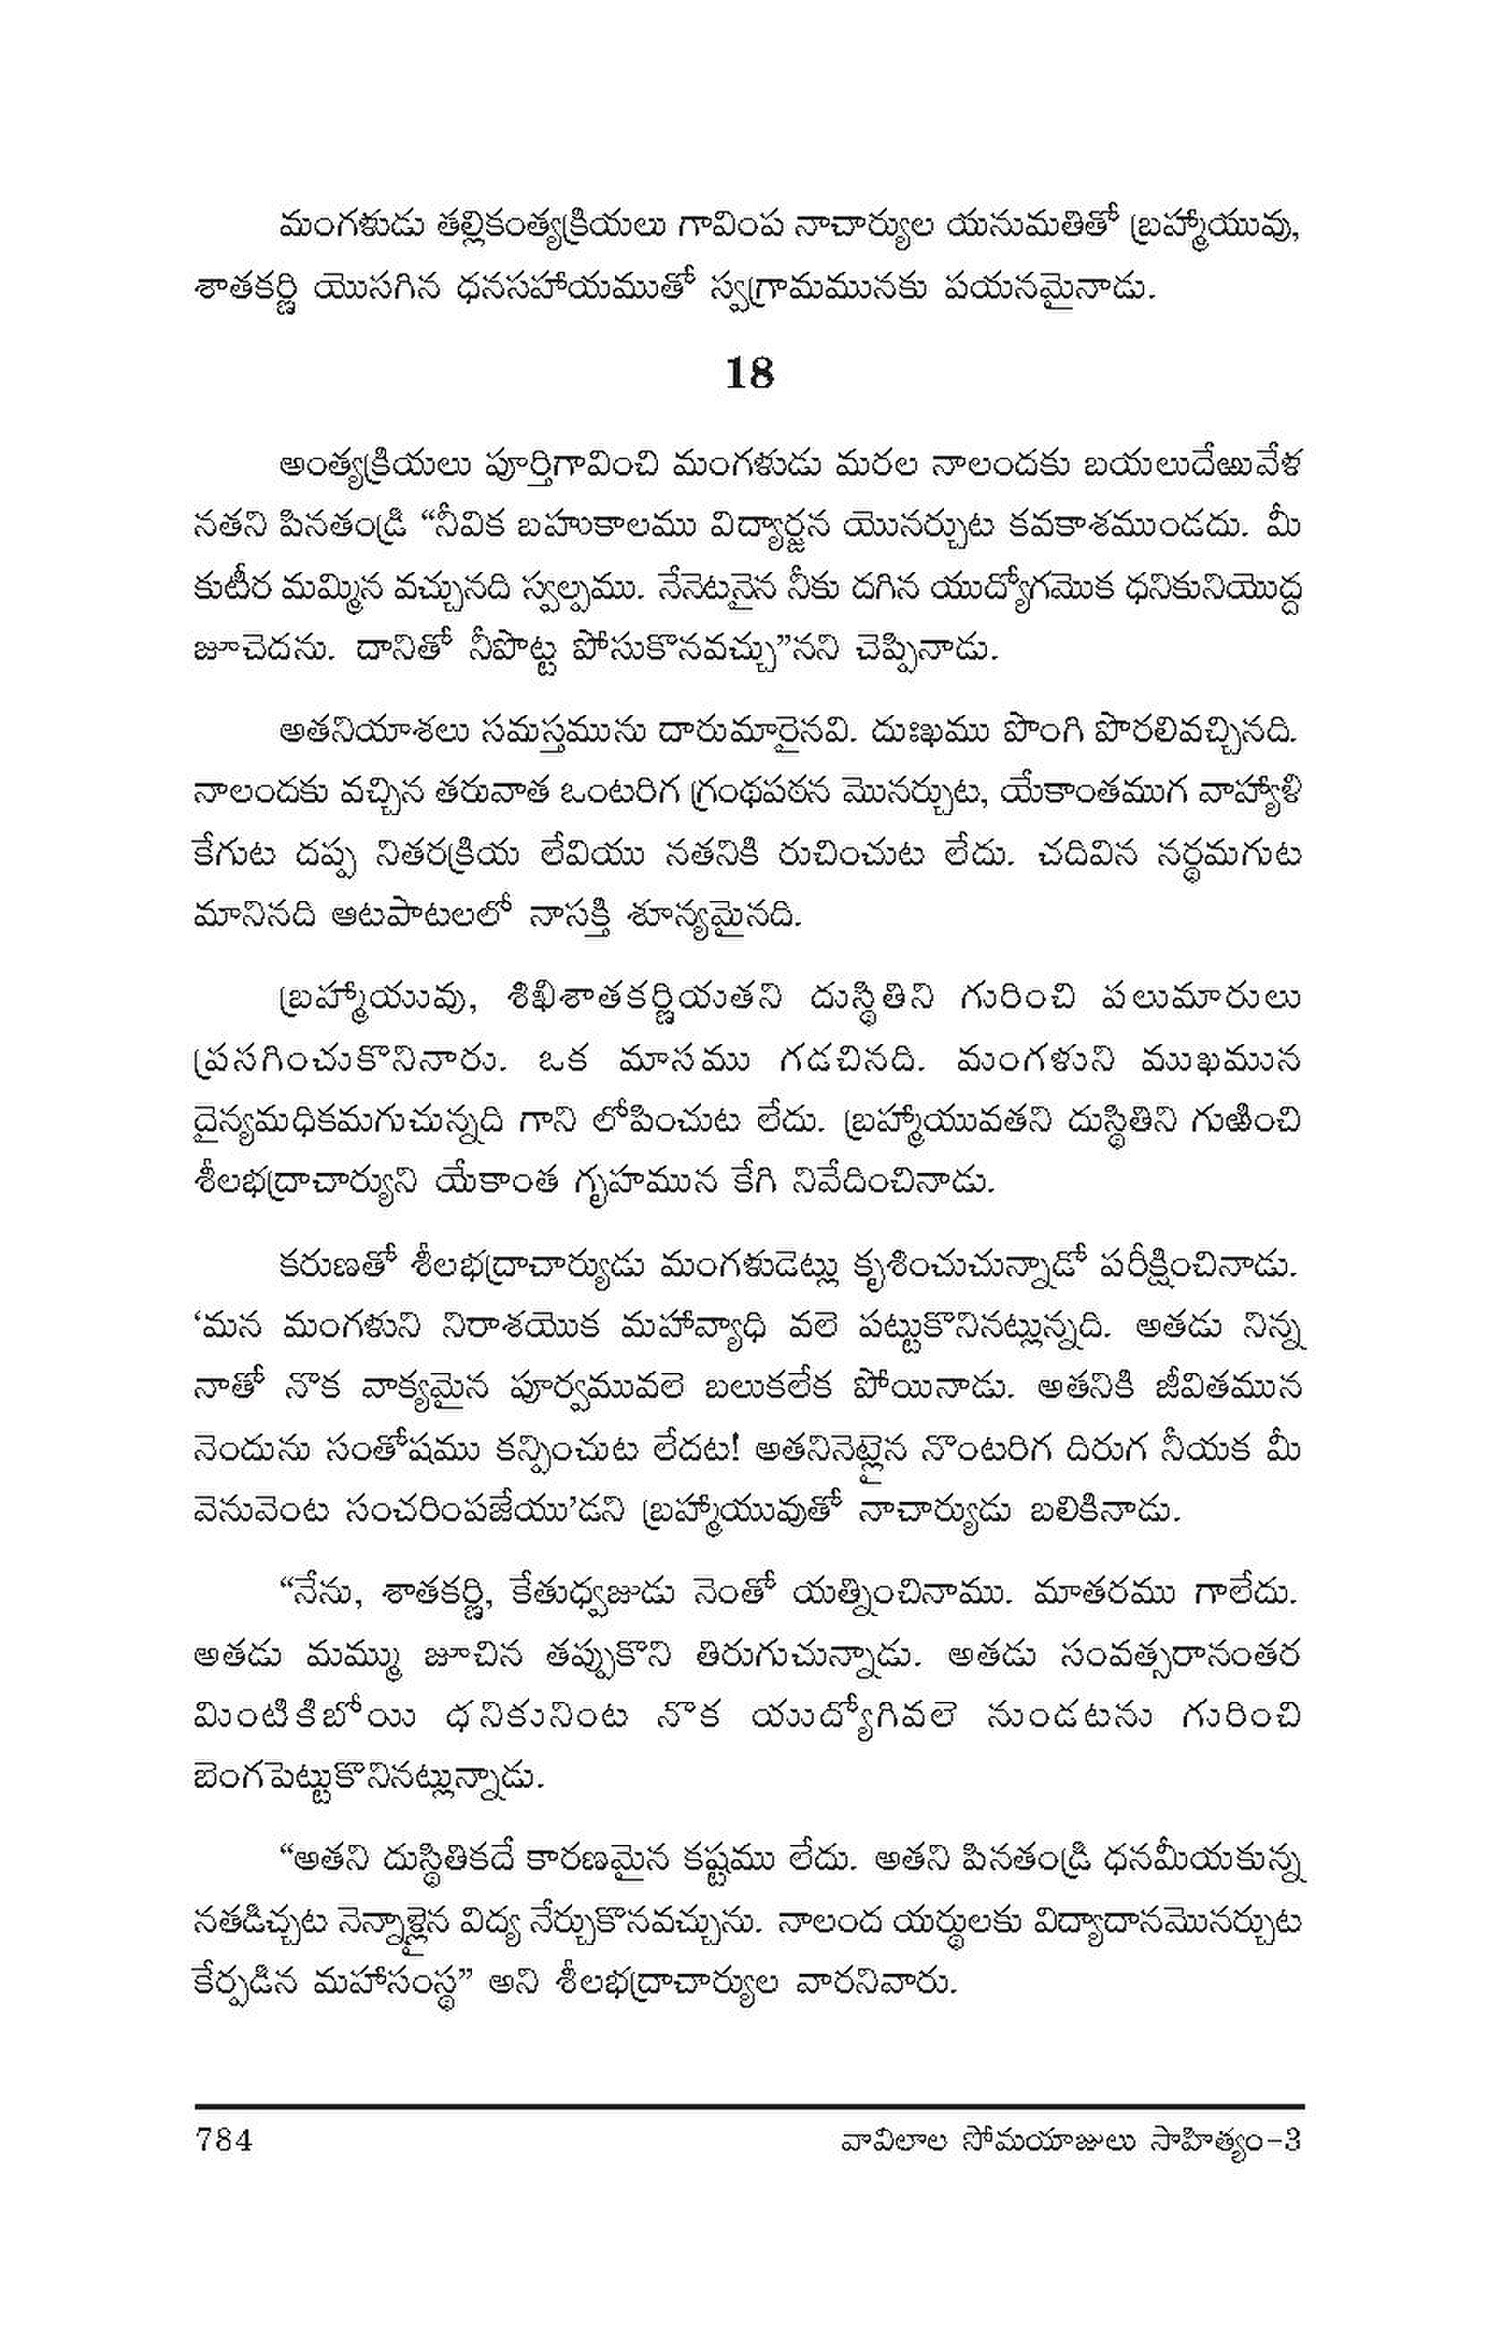మంగళుడు తల్లికంత్యక్రియలు గావింప నాచార్యుల యనుమతితో బ్రహ్మాయువు, శాతకర్ణి యొసగిన ధనసహాయముతో స్వగ్రామమునకు పయనమైనాడు.

అంత్యక్రియలు పూర్తిగావించి మంగళుడు మరల నాలందకు బయలుదేఱువేళ నతని పినతండ్రి "నీవిక బహుకాలము విద్యార్జన యొనర్చుట కవకాశముండదు. మీ కుటీర మమ్మిన వచ్చునది స్వల్పము. నేనెటనైన నీకు దగిన యుద్యోగమొక ధనికునియొద్ద జూచెదను. దానితో నీపొట్ట పోసుకొనవచ్చు”నని చెప్పినాడు.

అతనియాశలు సమస్తమును దారుమారైనవి. దుఃఖము పొంగి పొరలివచ్చినది. నాలందకు వచ్చిన తరువాత ఒంటరిగ గ్రంథపఠన మొనర్చుట, యేకాంతముగ వాహ్యాళి కేగుట దప్ప నితరక్రియ లేవియు నతనికి రుచించుట లేదు. చదివిన నర్థమగుట మానినది ఆటపాటలలో నాసక్తి శూన్యమైనది.

బ్రహ్మాయువు, శిఖిశాతకర్ణియతని దుస్థితిని గురించి పలుమారులు ప్రసగించుకొనినారు. ఒక మాసము గడచినది. మంగళుని ముఖమున దైన్యమధికమగుచున్నది గాని లోపించుట లేదు. బ్రహ్మాయువతని దుస్థితిని గుఱించి శీలభద్రాచార్యుని యేకాంత గృహమున కేగి నివేదించినాడు.

కరుణతో శీలభద్రాచార్యుడు మంగళుడెట్లు కృశించుచున్నాడో పరీక్షించినాడు. 'మన మంగళుని నిరాశయొక మహావ్యాధి వలె పట్టుకొనినట్లున్నది. అతడు నిన్న నాతో నొక వాక్యమైన పూర్వమువలె బలుకలేక పోయినాడు. అతనికి జీవితమున నెందును సంతోషము కన్పించుట లేదట! అతనినెట్లైన నొంటరిగ దిరుగ నీయక మీ వెనువెంట సంచరింపజేయు'డని బ్రహ్మాయువుతో నాచార్యుడు బలికినాడు.

“నేను, శాతకర్ణి, కేతుధ్వజుడు నెంతో యత్నించినాము. మాతరము గాలేదు. అతడు మమ్ము జూచిన తప్పుకొని తిరుగుచున్నాడు. అతడు సంవత్సరానంతర మింటికిబోయి ధనికునింట నొక యుద్యోగివలె నుండుటను గురించి బెంగపెట్టుకొనినట్లున్నాడు.

“అతని దుస్థితికదే కారణమైన కష్టము లేదు. అతని పినతండ్రి ధనమీయకున్న నతడిచ్చట నెన్నాళ్లైన విద్య నేర్చుకొనవచ్చును. నాలంద యర్థులకు విద్యాదానమొనర్చుట కేర్పడిన మహాసంస్థ" అని శీలభద్రాచార్యుల వారనివారు.